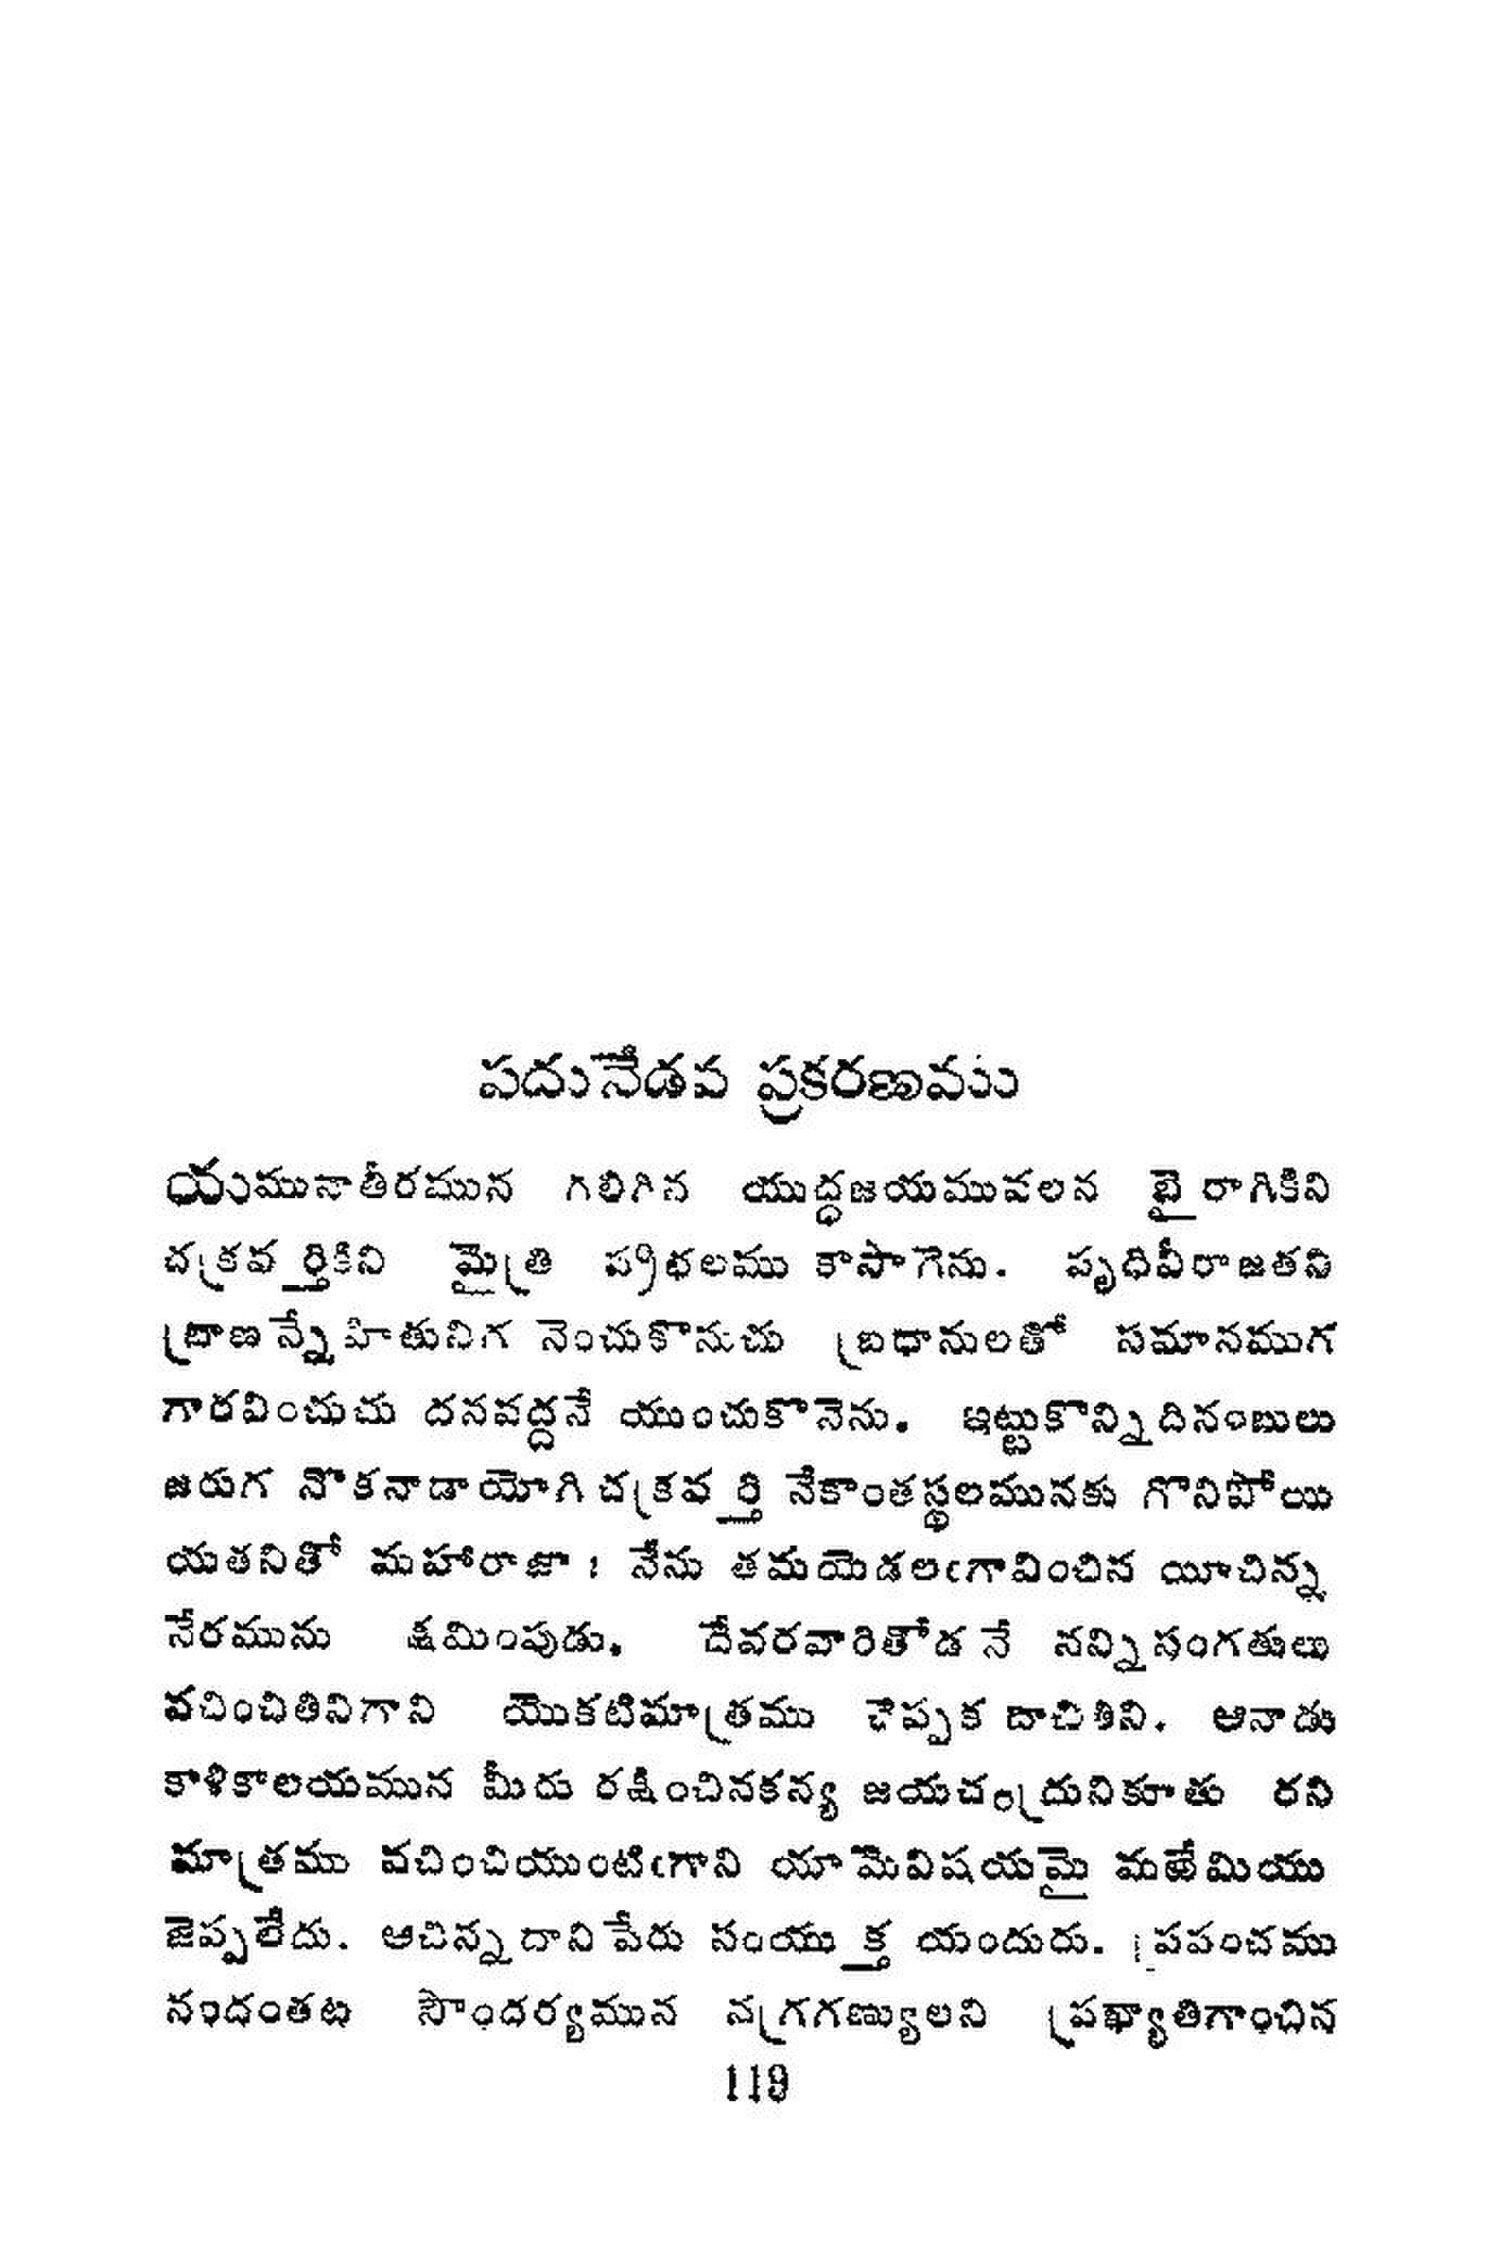పదునేడవ ప్రకరణము

మునాతీరమున గలిగిన యుద్ధజయమువలన బైరాగికిని చక్రవర్తికిని మైత్రి ప్రభలము కాసాగెను. పృధివీరాజతని బ్రాణన్నేహితునిగ నెంచుకొనుచు బ్రధానులతో సమానముగ గారవించుచు దనవద్దనే యుంచుకొనెను. ఇట్టుకొన్నిదినంబులు జరుగ నొకనాడాయోగి చక్రవర్తి నేకాంతస్థలమునకు గొనిపోయి యతనితో మహారాజా! నేను తమయెడలఁగావించిన యీచిన్న నేరమును క్షమింపుడు, దేవరవారితోడనే నన్నిసంగతులు వచించితినిగాని యొకటిమాత్రము చెప్పక దాచితిని. ఆనాడు కాళికాలయమున మీరు రక్షించినకన్య జయచంద్రునికూతు రని మాత్రము వచించియుంటిఁగాని యామెవిషయమై మఱేమియు జెప్పలేదు. ఆచిన్నదానిపేరు సంయుక్త యందురు. ప్రపంచము నందంతట సౌందర్యమున నగ్రగణ్యులని ప్రఖ్యాతిగాంచిన